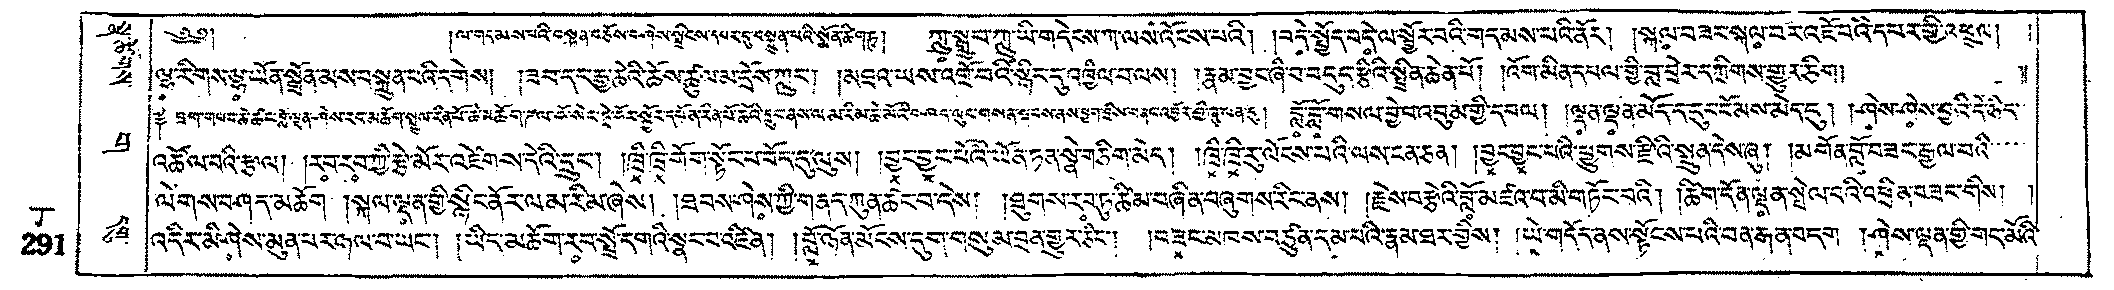༄༅། །ལ་གདམས་པའི་བསྟན་བཅོས་བཤེས་སྤྲིངས་དཔར་དུ་བསྐྲུན་པའི་སྨོན་ཚིག་ཏུ།  ཀླུ་སྒྲུབ་ཀླུ་ཡི་གདེངས་ཀ་ལས་འོངས་པའི། །བདེ་སྤྱོད་བདེ་ལ་སྦྱོར་བའི་གདམས་པའི་ནོར། །སྐལ྾་བཟང་སྐལ྾་བར་འཇོ་བའི་དཔར་གྱི་འཕྲུལ། །
ལྷ་རིགས་ལྷ྾་ཡོན་སྒྲོན་མས་བསྐྲུན་པའི་དགེས། །ཟབ་དང་རྒྱ་ཆེའི་ཆོས་ཚུལ་མ་དྲོས་ཀླུང་། །མཐའ་ཡས་འགྲོ་བའི་སྙིང་དུ་འཁྱིལ་བ་ལས། །རྣམ་བྱང་ཞི་བ་བདུད་རྩིའི་སྤྲིན་ཆེན་པོ། །འོག་མིན་དཔལ་གྱི་བླ་བྲེར་དཀྲིགས་གྱུར་ཅིག། །།
འ་བྲག་གཡབ་ཆེ་ཚང་བློ་ལྡན་ཤེས་རབ་མཆོག་སྤྲུལ་རིན་པོ་ཆེ་མཆོག་ཌ་ལ་ཧོ་སེར་ཏྲེ་ཧོར་སྐྱོར་དཔོན་རིན་པོ་ཆེའི་དྲུང་ནས་ལ་མ་རིམ་ཆེ་མོའི་བཤད་ལུང་གསན་སྐབས་ནས་ཕྱག་བྲིས་གནང་འབྱོར་གྱི་ཞུ་ལན་དུ།  བློ྾་བློ྾་གསལ་བྱེ་བ་འབུམ་གྱི་དཔལ། །ལྡན྾་ལྡན྾་མོད་ད་དུང་ངོམས་མེད་དུ། །ཤེས྾་ཤེས྾་བྱའི་དེ་ཉིད་་་
འཚོལ་བའི་རྩལ། །རབ྾་རབ྾་ཀྱི་རྩེ་མོར་འཛེགས་དེའི་དྲུང་། །ཁྲི྾་ཁྲི྾་གོག་སྟོང་པ་བོད་དུ་ལུས། །བྱང྾་བྱང྾་པོའི་ཡོན་ཏན་སྣེ་གཅིག་མེད། །ཁྲི྾་ཁྲི྾་རུ་ལོངས་པའི་ལས་ངན་ཅན། །བྱང྾་བྱང྾་པའི་ཕྱུགས་རྫིའི་སྤུན་དེས་ཞུ། །མགོན་བློ་བཟང་རྒྱལ་བའི་་་
ལེགས་བཤད་མཆོག །སྐལ་ལྡན་གྱི་སྙིང་ནོར་ལམ་རིམ་ཞེས། །ཐབས་ཤེས་ཀྱི་གནད་ཀུན་ཚང་བ་དེས། །ཐུགས་རབ་ཏུ་ཚིམ་བཞིན་བཞུགས་རིང་ནས། །རྗེས་བརྩེའི་བློ་མཛའ་བ་མི་གཏོང་བའི། །ཚིག་དོན་ལྡན་སྤེལ་བའི་འཕྲིན་བཟང་གིས། །
འདིར་མི་ཤེས་མུན་པར་ཉལ་བ་ཡང་། །ཡིད་མཆོག་རབ་སྤྲོ་དགའི་སྣང་བ་འཛིན། །བློ྾་ཉོན་མོངས་དུག་གསུམ་བྲན་གྱུར་ཅིང་། །བཟང྾་མཁས་བཙུན་དམ་པའི་རྣམ་ཐར་གྱིས། །ཡེ྾་གདོད་ནས་སྟོངས་པའི་བན་རྒན་བདག །ཤེས྾་ལྡན་གྱི་གད་མོའི་